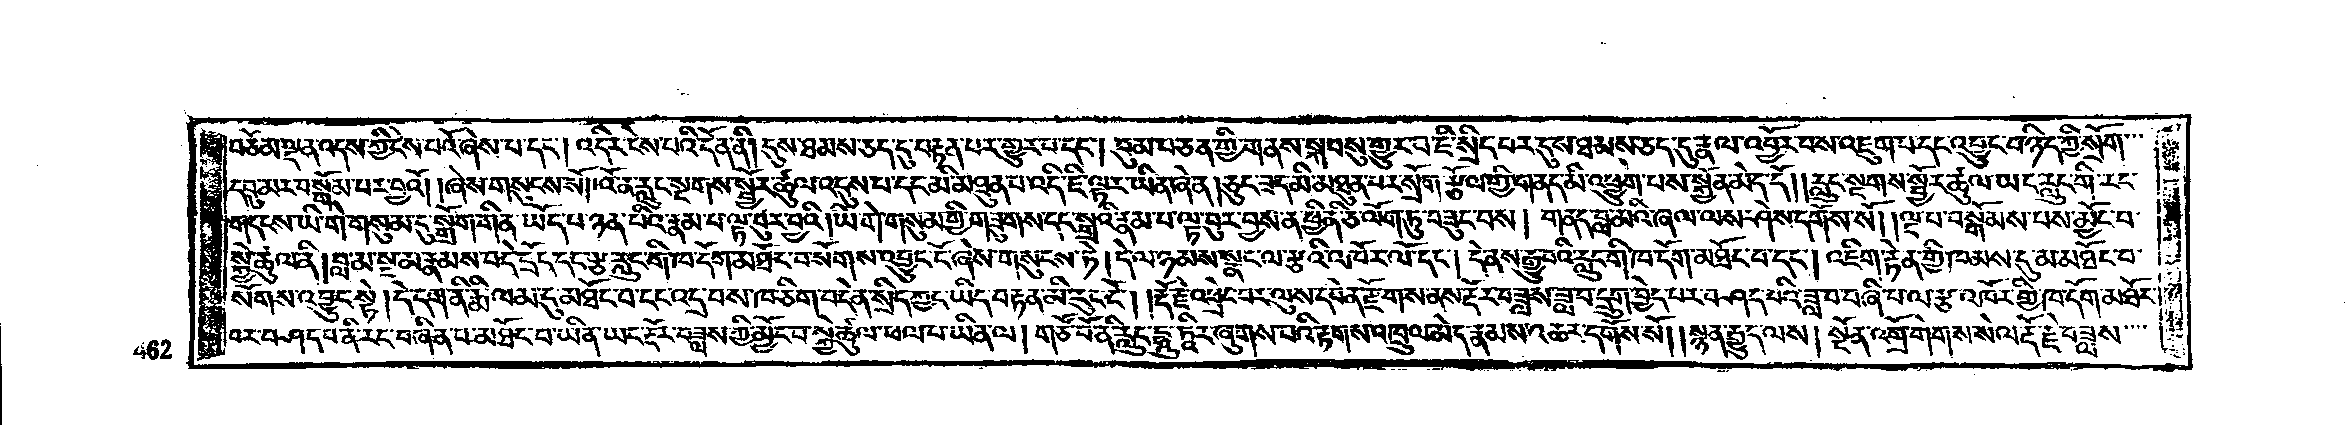བཅོམ་ལྡན་འདས་ཀྱི་ངེས་པའོ་ཞེས་པ་དང་། འདིར་ངེས་པའི་དོན་ནི། དུས་ཐམས་ཅད་དུ་བརྟན་པར་གྱུར་པ་དང་། བུམ་པ་ཅན་གྱི་གནས་སྐབས་སུ་གྱུར་བ་ཇི་སྲིད་པར་དུས་ཐམས་ཅད་དུ་རྣལ་འབྱོར་པས་འཇུག་པ་དང་འབྱུང་བ་ཉིད་ཀྱི་སྲོག་
དབུ་མར་བསྒོམ་པར་བྱའོ། །ཞེས་གསུངས་སོ། །འོ་ན་རླུང་སྔགས་སྦྱོར་ཚུལ་འདུས་པ་དང་མི་མཐུན་པ་འདི་ཇི་ལྟར་ཡིན་ཞེ་ན། ཅུང་ཟད་མི་མཐུན་པར་སྲོག་རྩོལ་གྱི་གནད་མི་འཕྱུག་པས་སྐྱོན་མེད་དོ། །རླུང་སྔགས་སྦྱོར་ཚུལ་ཡང་རླུང་གི་རང་
གདངས་ཡི་གེ་གསུམ་དུ་སྒྲོག་གིན་ཡོད་པ་ཉན་པའི་རྣམ་པ་ལྟ་བུར་བྱའི། ཡི་གེ་གསུམ་གྱི་གཟུགས་དང་སྒྲའི་རྣམ་པ་ལྟ་བུར་བྱས་ན་ཕྱིན་ཅི་ལོག་ཏུ་བཟུང་པས། གནད་བླ་མའི་ཞལ་ལས་ཤེས་དགོས་སོ། །ལྔ་པ་བསྒོམས་པས་མྱོང་པ་
སྐྱེ་ཚུལ་ནི། བླ་མ་སྔ་མ་རྣམས་བདེ་དྲོད་དང་རྩ་རླུང་གི་ཁ་དོག་མཐོང་བ་སོགས་འབྱུང་ངོ་ཞེས་གསུངས་ཏེ། དེ་ལ་ཉམས་སྣང་ལ་རྩའི་འཁོར་ལོ་དང་། དེ་ནས་རྒྱུ་བའི་རླུང་གི་ཁ་དོག་མཐོང་བ་དང་། འཇིག་རྟེན་གྱི་ཁམས་དུ་མ་མཐོང་བ་
སོགས་འབྱུང་སྟེ། དེ་དག་ནི་རྨི་ལམ་དུ་མཐོང་བ་དང་འདྲ་བས་ཁ་ཅིག་བདེན་སྲིད་ཀྱང་ཡིད་བརྟན་མི་རུང་ངོ། །རྡོ་རྗེ་འཕྲེང་བར་ལུས་དབེན་རྫོགས་ནས་རྡོར་བཟླས་ཟླ་བ་དྲུག་བྱེད་པར་བཤད་པའི་ཟླ་བ་བཞི་པ་ལ་རྩ་འཁོར་གྱི་ཁ་དོག་མཐོང་
བར་བཤད་པ་ནི་རང་བཞིན་པ་མཐོང་བ་ཡིན་ཡང་རྡོར་བཟླས་ཀྱི་མྱོང་བ་སྐྱེ་ཚུལ་ཕལ་པ་ཡིན་ལ། གཙོ་བོ་ནི་རླུང་དྷཱུ་ཏཱིར་ཞུགས་པའི་རྟགས་འཁྲུལ་མེད་རྣམས་འཆར་དགོས་སོ། །སྙན་རྒྱུད་ལས། སྔོན་འགྲོ་གེགས་སེལ་རྡོ་རྗེ་བཟླས་